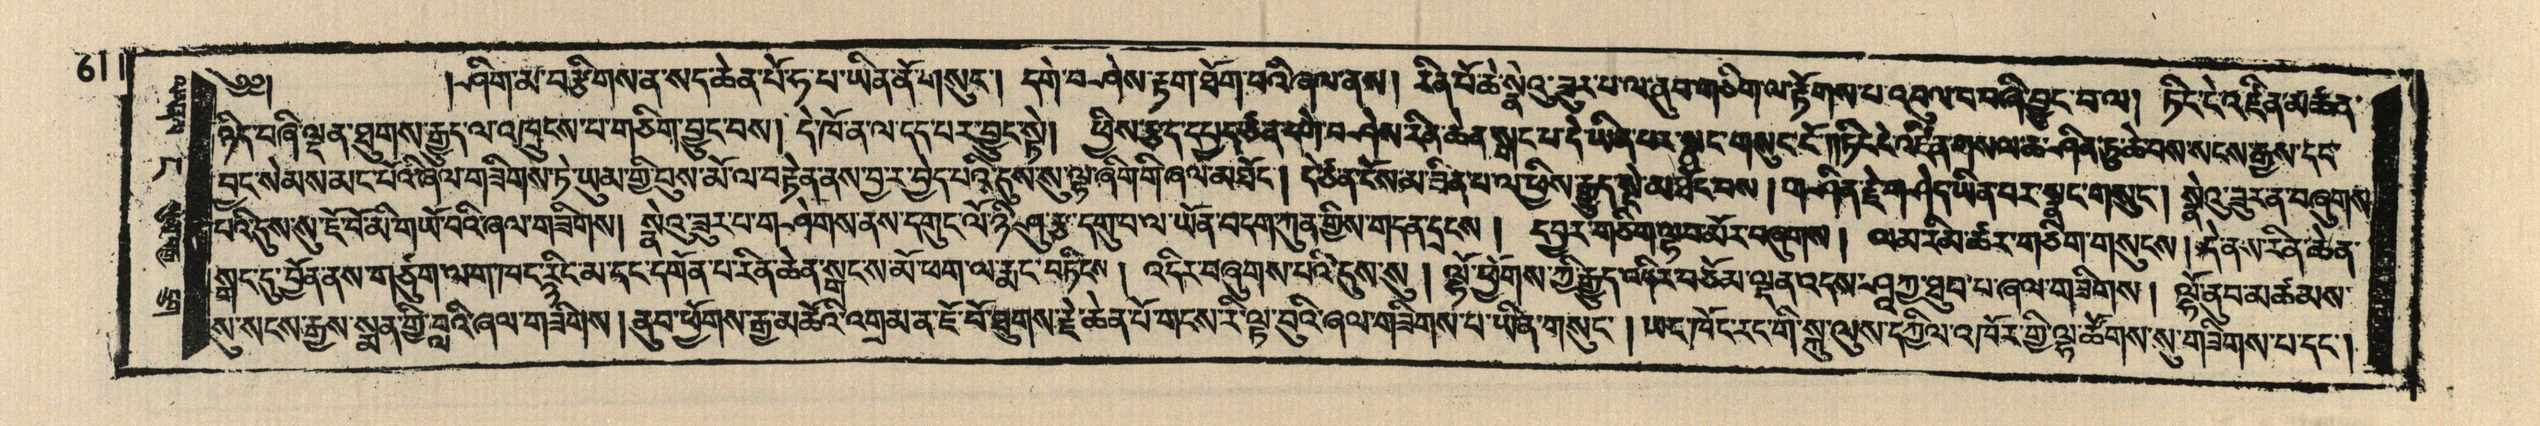༄༅། །ཤིག་མ་བརྩིགས་ན་སད་ཆེན་པོ་ཧ་པ་ཡིན་ནོ་གསུང་། དགེ་བཤེས་རྟག་ཐོག་བའི་ཞལ་ནས། རིན་པོ་ཆེ་སྣེའུ་ཟུར་པ་ལ་ནུབ་གཅིག་ལ་རྟོགས་པ་འབུལ་བ་བཞི་བྱུང་བ་ལ། ཏིང་ངེ་འཛིན་མཚན་
ཉིད་བཞི་ལྡན་ཐུགས་རྒྱུད་ལ་འཁྲུངས་པ་གཅིག་བྱུང་བས། དེ་ཁོ་ན་ལ་དད་པར་བྱུང་སྟེ། ཕྱིས་རྩད་དཔྱད་ཙན་དགེ་བཤེས་རིན་ཆེན་སྒང་པ་དེ་ཡིན་པར་སྣང་གསུང་ངོ། །ཏིང་ངེ་འཛིན་གསལ་ཆ་ཤིན་ཏུ་ཆེ་བས་སངས་རྒྱས་དང་
བྱང་སེམས་མང་པོའི་ཞིལ་གཟིགས་ཏེ་ཡུམ་གྱི་བུས་མོ་ལ་བརྟེན་ནས་བྱ་ར་བྱེད་པའི་དུས་སུ་ལྷ་ཞིག་གི་ཞལ་མཐོང་། དེ་ཙ་ན་ངོས་མ་ཟིན་པ་ལ་ཕྱིས་རྒྱུད་སྡེ་མཐོང་བས། གཤིན་རྗེ་གཤེད་ཡིན་པར་སྣང་གསུང་། སྣེའུ་ཟུར་ན་བཞུགས་
པའི་དུས་སུ་ཇོ་བོ་མི་གཡོ་བའི་ཞལ་གཟིགས། སྣེའུ་ཟུར་པ་གཤེགས་ནས་དགུང་ལོ་ཉི་ཤུ་རྩ་དགུ་བ་ལ་ཡོན་བདག་ཀུན་གྱིས་གདན་དྲངས། དབྱར་གཅིག་ལྷབ་མོར་བཞུགས། ལམ་རིམ་ཚར་གཅིག་གསུངས། དེ་ནས་རིན་ཆེན་
སྒང་དུ་བྱོན་ནས་གཙུག་ལག་ཁང་རྙིང་མ་དང་དགོན་པ་རིན་ཆེན་སྒང་ས་མོ་ཕག་ལ་རྨང་བཏིངས། འདིར་བཞུགས་པའི་དུས་སུ། ལྷོ་ཕྱོགས་ཀྱི་རྒྱུད་འདིར་བཅོམ་ལྡན་འདས་ཤཱཀྱ་ཐུབ་པ་ཞལ་གཟིགས། ལྷོ་ནུབ་མཚམས་
སུ་སངས་རྒྱས་སྨན་གྱི་བླའི་ཞལ་གཟིགས། ནུབ་ཕྱོགས་རྒྱ་མཚོའི་འགྲམ་ན་ཇོ་བོ་ཐུགས་རྗེ་ཆེན་པོ་གངས་རི་ལྟ་བུའི་ཞལ་གཟིགས་པ་ཡིན་གསུང་། ཡང་ཁོང་རང་གི་སྐུ་ལུས་དཀྱིལ་འཁོར་གྱི་ལྷ་ཚོགས་སུ་གཟིགས་པ་དང་།